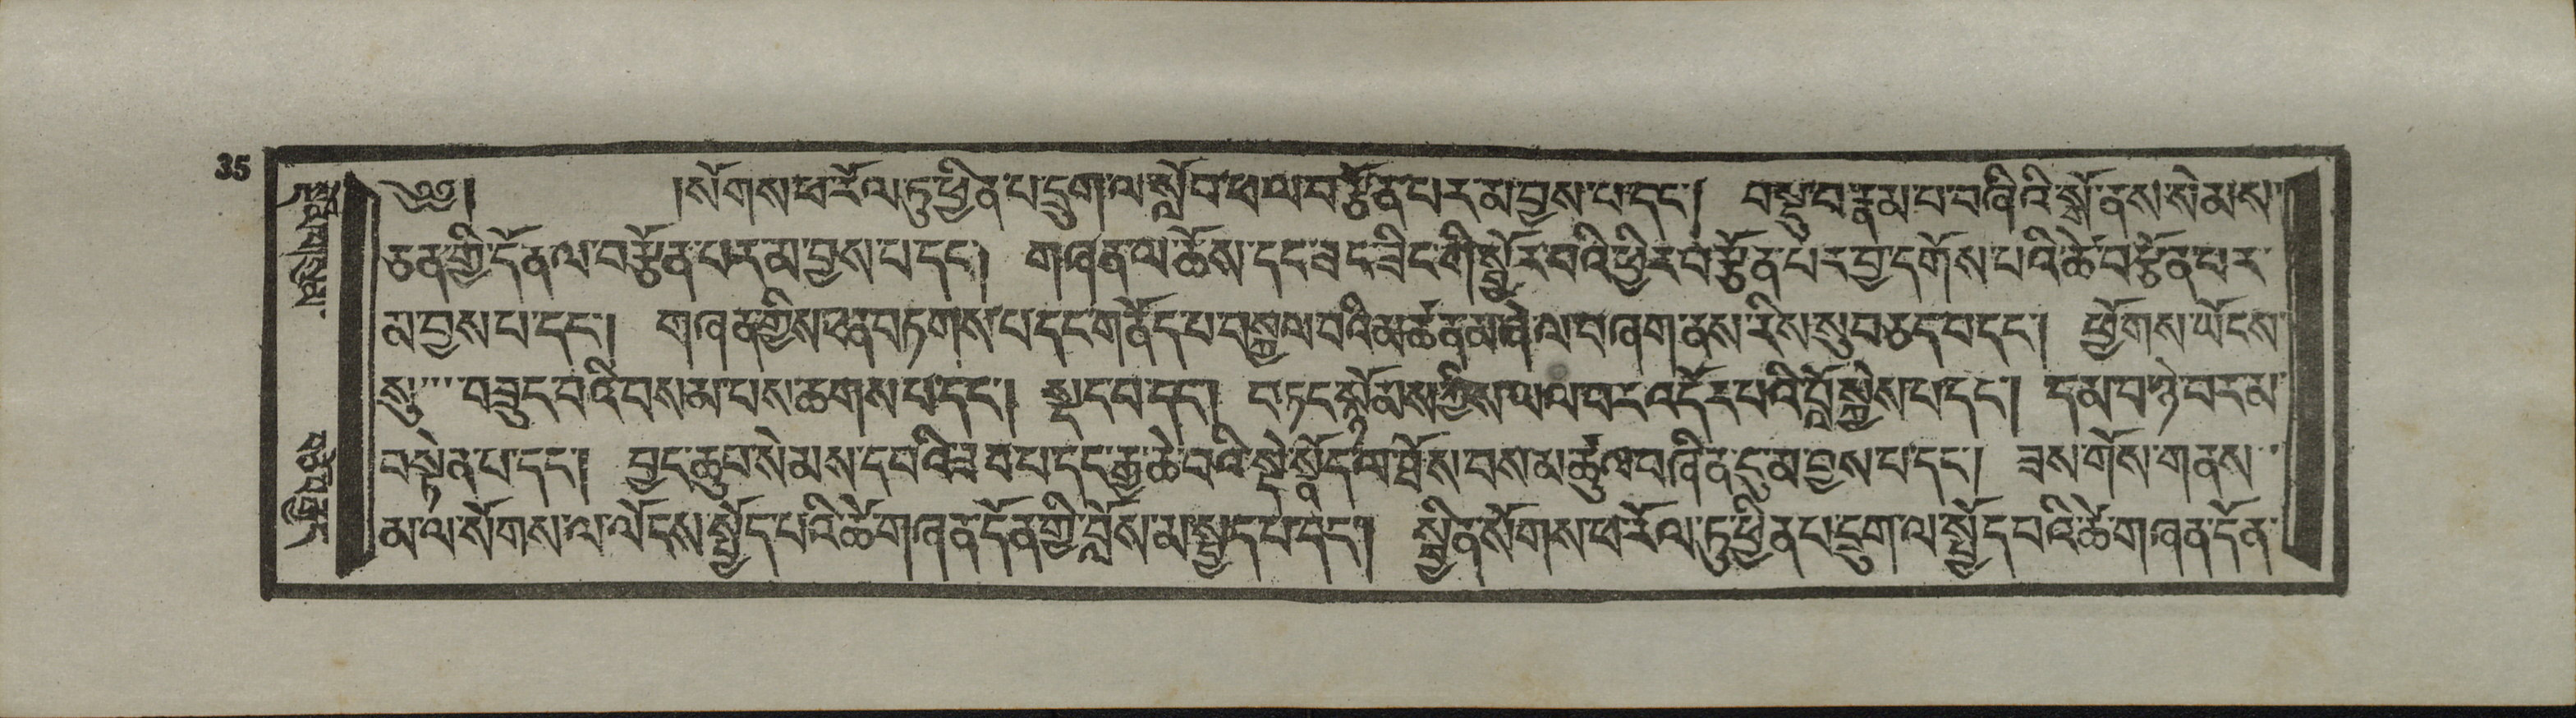༄༅། །སོགས་ཕ་རོལ་ཏུ་ཕྱིན་པ་དྲུག་ལ་སློབ་ཕ་ལ་བརྩོན་པར་མ་བྱས་པ་དང་། བསྡུ་བ་རྣམ་པ་བཞིའི་སྒོ་ནས་སེམས་
ཅན་གྱི་དོན་ལ་བརྩོན་པར་མ་བྱས་པ་དང་། གཞན་ལ་ཆོས་དང་ཟང་ཟིང་གི་སྦྱོར་བའི་ཕྱིར་བརྩོན་པར་བྱ་དགོས་པའི་ཚེ་བརྩོན་པར་
མ་བྱས་པ་དང་། གཞན་གྱིས་ཕན་བཏགས་པ་དང་གནོད་པ་བསྐྱལ་བའི་མཚན་མ་ཞེ་ལ་བཞག་ནས་རིས་སུ་བཅད་པ་དང་། ཕྱོགས་ཡོངས་
སུ་བཟུང་བའི་བསམ་པས་ཆགས་པ་དང་། སྡང་པ་དང་། བཏང་སྙོམས་ཀྱིས་ཡལ་བར་འདོར་བའི་བློ་སྐྱེས་པ་དང་། དམ་པ་ཉེ་བར་མ་
བསྟེན་ཕ་དང་། བྱང་ཆུབ་སེམས་དཔའི་ཟབ་པ་དང་རྒྱ་ཆེ་བའི་སྡེ་སྣོད་ལ་ཐོས་བསམ་ཚུལ་བཞིན་དུ་མ་བྱས་པ་དང་། ཟས་གོས་གནས་
མ་ལ་སོགས་ལ་ལོངས་སྤྱོད་པའི་ཚེ་གཞན་དོན་གྱི་བློས་མ་སྤྱད་པ་དང་། སྦྱིན་སོགས་ཕ་རོལ་ཏུ་ཕྱིན་པ་དྲུག་ལ་སྤྱོད་པའི་ཚེ་གཞན་དོན་